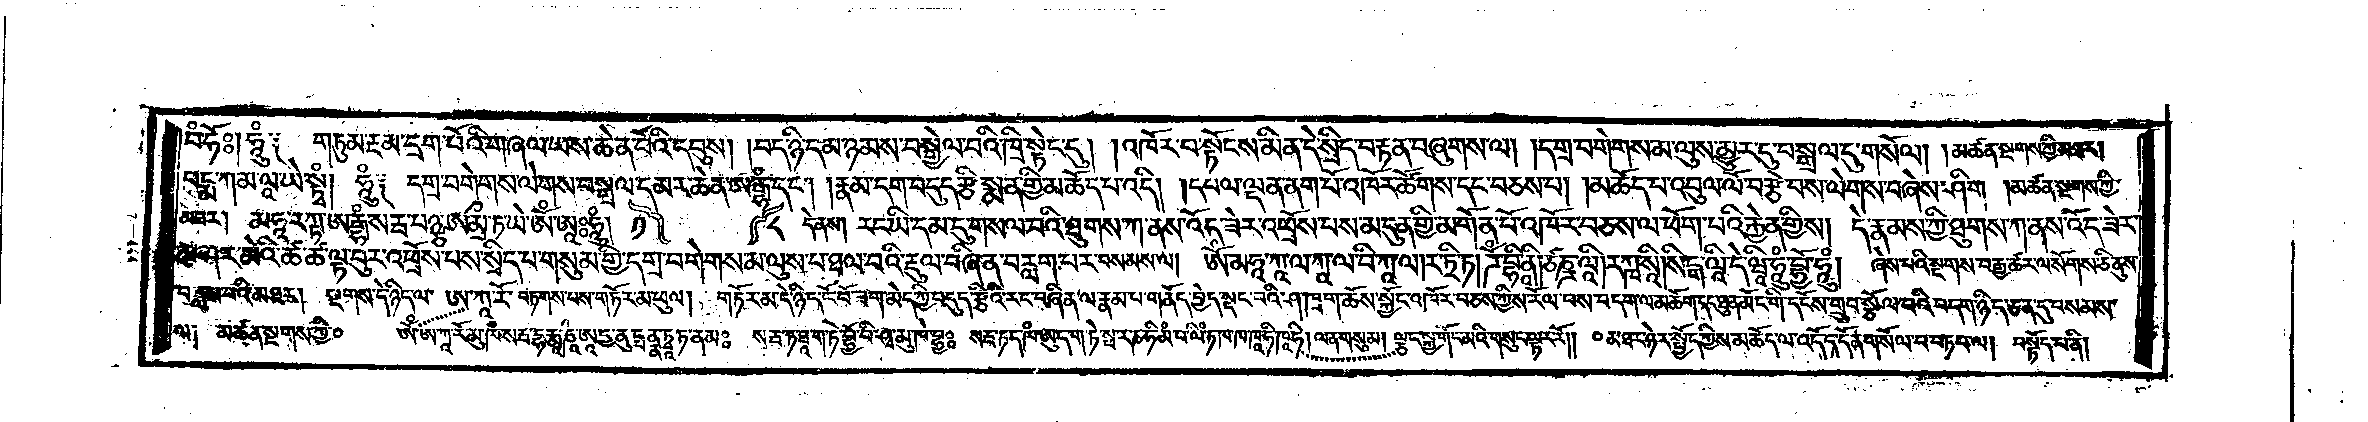ཡཾ?་ཧོཿ ཧཱུཾ༑ གཏུམ་རྔམ་དྲག་པོའི་གཞལ་ཡས་ཆེན་པོའི་དབུས། །པད་ཉི་དམ་ཉམས་བསྒྱེལ་བའི་ཁྲི་སྟེང་དུ། །འཁོར་བ་སྟོངས་མིན་དེ་སྲིད་བརྟན་བཞུགས་ལ། །དགྲ་བགེགས་མ་ལུས་མྱུར་དུ་བསྒྲལ་དུ་གསོལ། །མཚན་སྔགས་ཀྱི་མཐར།
བདག?་མ་ལཱ་ཡེ་སྟྭཾ། ཧཱུཾ༑ དགྲ་བགེགས་ལེགས་བསྒྲལ་དམར་ཆེན་ཨརྒྷཾ་དང་། །རྣམ་དག་བདུད་རྩི་སྨན་གྱི་མཆོད་པ་འདི། །དཔལ་ལྡན་ནག་པོ་འཁོར་ཚོགས་དང་བཅས་པ། །མཆོད་པ་འབུལ་ལོ་བརྩེ་བས་ལེགས་བཞེས་ཤིག །མཚན་སྔགས་ཀྱི་
མཐར། མཧཱ་རཀྟ་ཨརྒྷ་སརྦ་པཉྩ་ཨ་མྲྀ་ཏ་ཡེ་ཨོཾ་ཨཱཿཧཱུཾ། ༡༼༽ ༼༽༨་དེ་ནས།  རང་ཡི་དམ་དུ་གསལ་བའི་ཐུགས་ཀ་ནས་འོད་ཟེར་འཕྲོས་པས་མདུན་གྱི་མགོན་པོ་འཁོར་བཅས་ལ་ཕོག་པའི་རྐྱེན་གྱིས། དེ་རྣམས་ཀྱི་ཐུགས་ཀ་ནས་འོད་ཟེར་
མགར་མེའི་ཚ་ཚ་ལྟ་བུར་འཕྲོས་པས་སྲིད་པ་གསུམ་གྱི་དགྲ་བགེགས་མ་ལུས་པ་ཐལ་བའི་རྡུལ་བཞིན་བརླག་པར་བསམས་ལ།  ཨོཾ་མཧཱ་ཀཱ་ལ་ཀཱ་ལ་བི་ཀཱ་ལ། ར་ཏྲི་ཏ། ཌོཾ་ཕི་ནཱི། ཙཎྜ་ལཱི། རཀྑ་སཱི། སིངྒ་ལཱི་དེ་ཝཱི་ཧཱུཾ་ཕྱོ་ཧཱུཾ། ཞེས་པའི་སྔགས་བརྒྱ་ཚར་ལ་སོགས་ཅི་ནུས་
བཟླས་པའི་མཐར། སྔགས་དེ་ཉིད་ལ་ཨ་ཨོཾ་ཨ་ཀཱ་རོ་མུ་ཁཾ་སརྦ་དྷརྨཱ་ནཱཾ་ཨཱདྱ་ནུདཔནན་ཏྭཱ་ཏ་ནམཿ་ཀཱ་རོ་བཏགས་པས་གཏོར་མ་ཕུལ།  གཏོར་མ་དེ་ཉིད་ངོ་བོ་ཟག་མེད་ཀྱི་བདུད་རྩིའི་རང་བཞིན་ལ་རྣམ་པ་གནོད་བྱེད་སྡང་བའི་ཤ་ཁྲག་ཆོས་སྐྱོང་འཁོར་བཅས་ཀྱིས་རོལ་པས་བདག་ལ་མཆོག་དང་ཐུན་མོང་གི་དངོས་གྲུབ་སྩོལ་བའི་བདག་ཉིད་ཅན་དུ་བསམས་
ལ༑༑ མཚན་སྔགས་ཀྱི་ཨོ་སརྦ་ཏ་ཐཱ་ག་ཏེ་བྷྱོ་བི་ཤྭ་མུ་ཁེ་བྷྱཿ སརྦ་ཏད་ཁཾ་ཨུད་ག་ཏེ་སྤ་ར་ཎ་ཧི་མཾ་པ་ལིཾ་ཏ་ཁ་ཁ་ཁཱ་ཧི་ཁཱ་ཧི་ལྕང་སྐྱ་གོང་མའི་གསུང་ལྟར་རོ།།  ྾?་མཐར་ཉེར་སྤྱོད་ཀྱིས་མཆོད་ལ་འདོད་དོན་གསོལ་བ་བཏབ་ལ། བསྟོད་པ་ནི།